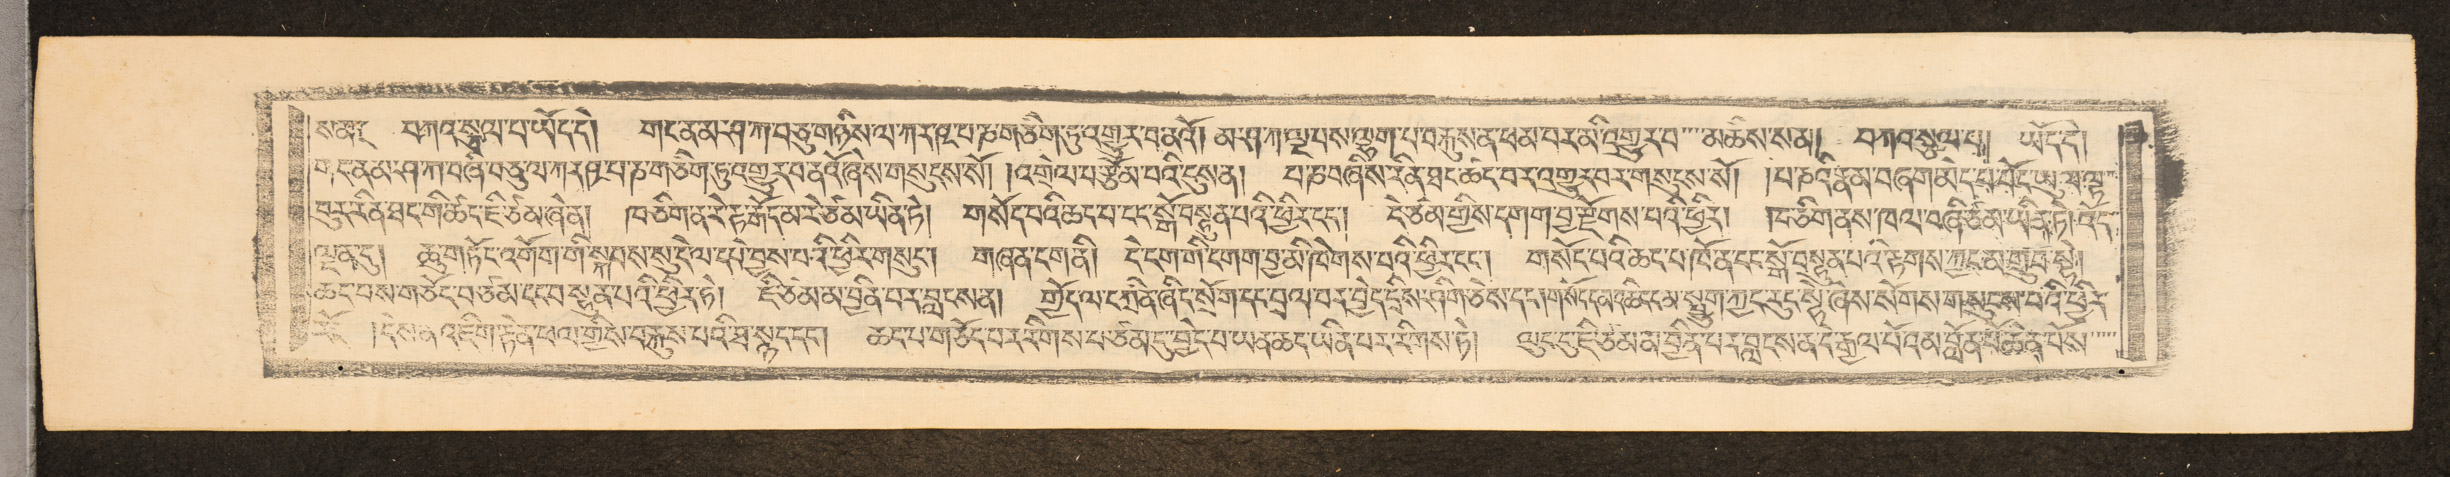སམ༑ བཀའ་སྩལ་པ་ཡོད་དེ། གང་ན་མ་ཤ་ཀ་བཅུ་གཉིས་ལ་ཀར་ཥ་པ་ཎ་གཅིག་ཏུ་འགྱུར་བ་ནའོ། མ་ཤ་ཀ་ལྔ་པས་ལྷག་པ་བརྐུས་ན་ཕམ་པར་མི་འགྱུར་བ་མཆིས་སམ། བཀའ་སྩལ་པ། ཡོད་དེ།
གང་ན་མ་ཤ་ཀ་བཞི་བཅུ་ལ་ཀར་ཥ་པ་ཎ་གཅིག་ཏུ་འགྱུར་བ་ནའོ་ཞེས་གསུངས་སོ། །འགྲེལ་བ་རྩོམ་པའི་དུས་ན། པཎ་བཞིས་རིན་ཐང་ཚང་བར་འགྱུར་བར་གསུངས་སོ། །བ་ཎའི་རྣམ་བཞག་མེད་པ་པོད་ཡུལ་ལྟ་
བུར་རིན་ཐང་གི་ཚད་ཇི་ཙམ་ཞེ་ན། ཁ་ཅིག་ན་རེ་རྟ་རྒོད་མ་རེ་ཙམ་ཡིན་ཏེ། གསོད་པའི་ཆད་པ་དང་སྒོ་བསྟུན་པའི་ཕྱིར་དང་། དེ་ཙམ་གྱིས་དགག་བྱ་རྫོགས་པའི་ཕྱིར། ཁ་ཅིག་ནས་ཁལ་བཞི་ཙམ་ཡིན་ཏེ། འོད་
ལྡན་དུ། ཆུ་གཏོང་འགོག་གི་སྐབས་སུ་དེ་ལ་དཔེ་བྱས་པའི་ཕྱིར་གསུང་། གཞན་དག་ནི། དེ་དག་གི་དགག་བྱ་མི་ཁེགས་པའི་ཕྱིར་དང་། གསོད་པའི་ཆད་པ་ཁོ་ན་དང་སྒོ་བསྟུན་པའི་རྟགས་ཀྱང་མ་གྲུབ་སྟེ།
ཆད་པས་གཅོད་པ་ཙམ་དང་བསྟུན་པའི་ཕྱིར་ཏེ། ཇི་ཙམ་མ་བྱིན་པར་བླངས་ན། གྱོད་ལ་དཀྲིན་ཞིང་སྲོག་དང་བྲལ་བར་བྱེད་དྲིས་ཤིག་ཅེས་དང་། གསོད་དམ་འཆིང་དམ་སྤྱུག་ཀྱང་རུང་སྟེ་ཞེས་སོགས་གསུངས་པའི་ཕྱིར་
རོ༑ །དེས་ན་འཇིག་རྟེན་ཕལ་གྱིས་བརྐུས་པའི་ཐ་སྙད་དང་། ཆད་པ་གཅོད་པར་རིགས་པ་ཙམ་དུ་བྱེད་པ་ཡན་ཆད་ཡིན་པར་རིགས་ཏེ། ལུང་དུ་ཇི་ཙམ་མ་བྱིན་པར་བླངས་ན་དེ་རྒྱལ་པོ་འམ་བློན་པོ་ཆེན་པོས་